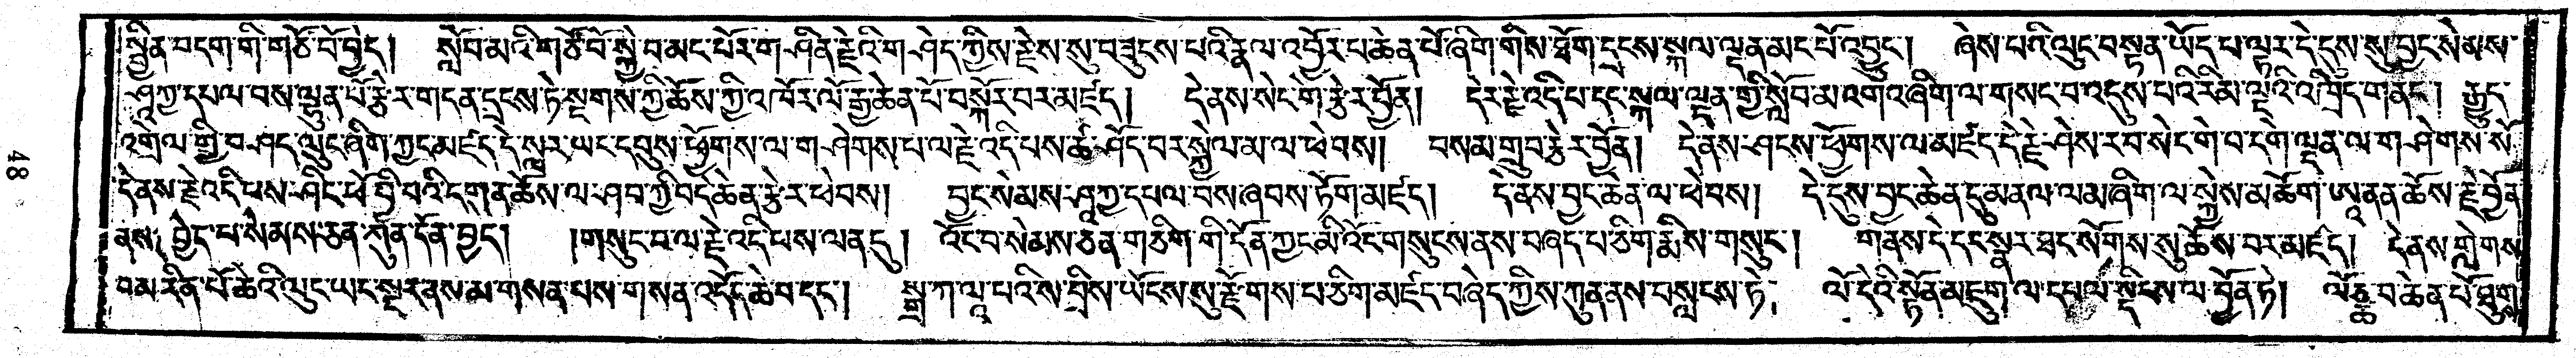སྦྱིན་བདག་གི་གཙོ་བོ་བྱེད། སློབ་མའི་གཙོ་བོ་སྐྱེ་བ་མང་པོར་གཤིན་རྗེའི་གཤེད་ཀྱིས་རྗེས་སུ་བཟུངས་པའི་རྣལ་འབྱོར་བ་ཆེན་པོ་ཞིག་གིས་ཐོག་དྲངས་སྐལ་ལྡན་མང་པོ་འབྱུང་། ཞེས་པའི་ལུང་བསྟན་ཡོད་པ་ལྟར་དེ་དུས་སུ་བྱང་སེམས་
ཤཱཀྱ་དཔལ་བས་ལྷུན་པོ་རྩེར་གདན་དྲངས་ཏེ་སྔགས་ཀྱི་ཆོས་ཀྱི་འཁོར་ལོ་རྒྱ་ཆེན་པོ་བསྐོར་བར་མཛད། དེ་ནས་སེང་གེ་རྩེར་བྱོན། དེར་རྗེ་འདི་པ་དང་སྐལ་ལྡན་གྱི་སློབ་མ་འགའ་ཞིག་ལ་གསང་བ་འདུས་པའི་རིམ་ལྔའི་འཁྲིད་གནང་། རྒྱུད་
འགྲེལ་གྱི་བཤད་ལུང་ཞིག་ཀྱང་མཛད་དེ་སླར་ཡང་དབུས་ཕྱོགས་ལ་གཤེགས་པ་ལ་རྗེ་འདི་པས་ཚ་ཤོད་པར་སྐྱེལ་མ་ལ་ཕེབས། བསམ་གྲུབ་རྩེར་བྱོན། དེ་ནས་ཤངས་ཕྱོགས་ལ་མཛད་དེ་རྗེ་ཤེས་རབ་སེང་གེ་བ་དགེ་ལྡན་ལ་གཤེགས་སོ་
དེ་ནས་རྗེ་འདི་པས་ཤིང་ཕོ་བྱི་བའི་དགུན་ཆོས་ལ་ཤབ་ཀྱི་བདེ་ཆེན་རྩེར་ཕེབས། བྱང་སེམས་ཤཱཀྱ་དཔལ་བས་ཞབས་ཏོག་མཛད། དེ་ནས་བྱང་ཆེན་ལ་ཕེབས། དེ་དུས་བྱང་ཆེན་དུ་མནལ་ལམ་ཞིག་ལ་སྐྱེས་མཆོག་ཨཱ་ནན་ཆོས་རྗེ་བྱོན་
ནས༑ བྱེད་པ་སེམས་ཅན་ཀུན་དོན་བྱད། །གསུང་བ་ལ་རྗེ་འདི་པས་ལན་དུ། འོང་བ་སེམས་ཅན་གཅིག་གི་དོན་ཀྱང་མི་འོང་གསུངས་ནས་བཞད་པ་ཅིག་རྨིས་གསུང་། གནས་དེ་དང་སྣར་ཐང་སོགས་སུ་ཆོས་བར་མཛད། དེ་ནས་གླེགས་
བམ་རིན་པོ་ཆེའི་ལུང་ཡང་སྔར་ནས་མ་གསན་པས་གསན་འདོད་ཆེ་བ་དང་། སྒྲ་ཀ་ལཱ་པའི་ས་བྲིས་ཡོངས་སུ་རྫོགས་པ་ཅིག་མཛད་བཞེད་ཀྱིས་ཀུན་ནས་བསླངས་ཏེ། ལོ་དེའི་སྟོན་མཇུག་ལ་དཔལ་སྡིངས་ལ་བྱོན་ཏེ། ལོ་ཙྪ་བ་ཆེན་པོ་ཐུགས་